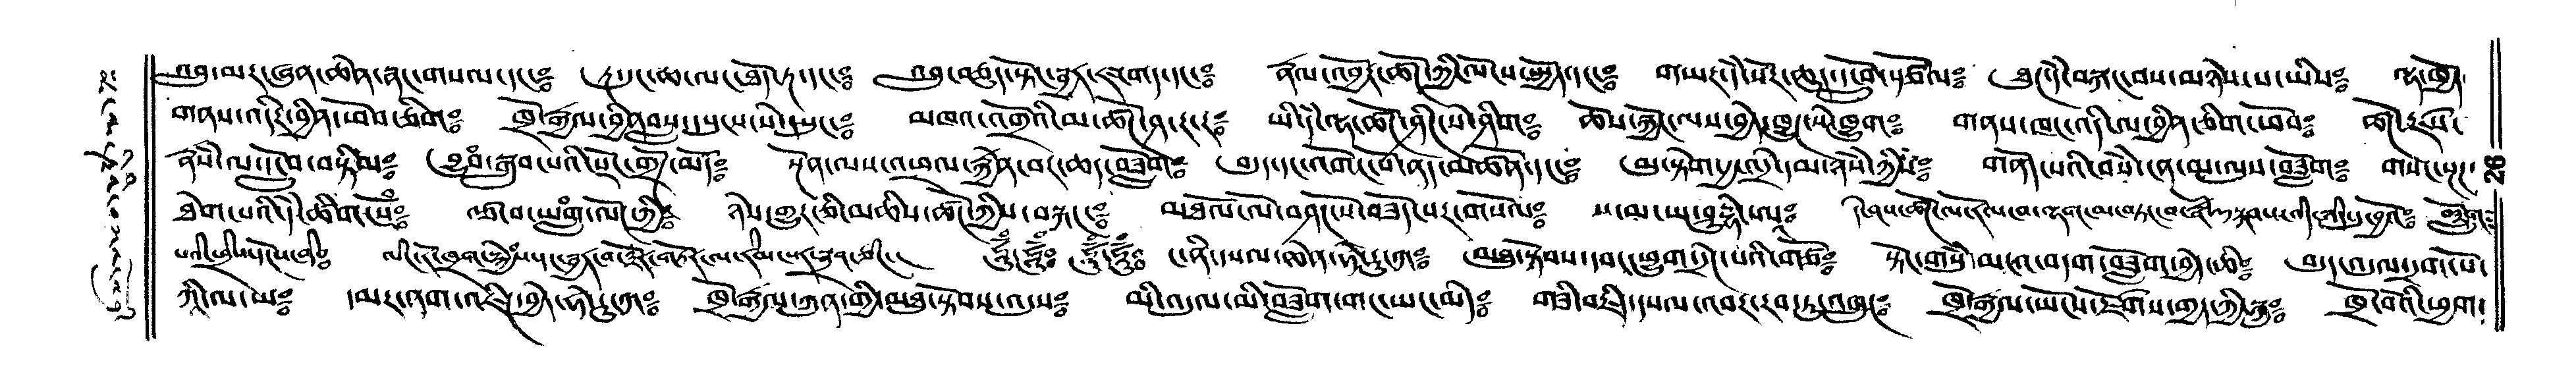འབྲུ་མར་ཞུན་ཆེན་སྣང་གསལ་དང༔ རྔ་དུང་ཆ་ལང་ཐོད་རྔ་དང༔ འབྲུ་བཅུད་སྟོང་སྦྱར་ཛ་གད་དང༔ རྣལ་འབྱོར་ཚོགས་ཀྱི་ལོངས་སྤྱོད་དང༔ གཡར་དམ་སོར་ཆུད་དངོས་གྲུབ་སྩོལ༔ ཐུགས་དམ་བསྐང་བས་མཉེས་པ་ཡིས༔ ལྷ་ཁྱོད་
གནས་འདིར་བྱིན་ཕོབ་ཅིག༔ ཁྲོ་རྒྱལ་བྱིན་རླབས་དཔུངས་སེ་དཔུང༔ མཁའ་འགྲོའི་མ་ཚོགས་ཤ་ར་ར༔ ཡི་དམ་ལྷ་ཚོགས་ཤིགས་སེ་ཤིག༔ ཆོས་སྐྱོང་ལས་བྱེད་ཁྱུགས་སེ་ཁྱུག༔ གནས་ཁང་འདི་ལ་བྱིན་ཅིག་ཕོབ༔ ཚོགས་རྫས་
རྣམས་ལ་དངོས་གྲུབ་བསྟིམ༔ བྱང་ཆུབ་སྒྲུབ་པའི་སྡོང་གྲོགས་མཛོད༔ སྔོན་ལས་འཕྲལ་རྐྱེན་བར་ཆད་ཟློགས༔ བདུད་དང་འགོང་པོ་ནད་མཚོན་དང༔ མུ་སྟེགས་རྒྱ་འདྲེ་དམ་ཉམས་ཀྱི༔ གནོད་པའི་བསམ་ངན་མ་ལུས་ཟློགས༔ གསང་སྔགས་
ཐེག་པའི་དམ་ཚིག་སྡོམ༔ རྩ་བ་ཡན་ལག་ལ་སོགས་ཀྱི༔ ཉེས་གྱུར་ཅི་མཆིས་ཚོགས་ཀྱིས་བསྐང༔ མཐོལ་ལོ་བཤགས་སོ་བཟོད་པར་གསོལ༔ ས་མ་ཡ་ཤུདྡྷེ་ཨཱཿ དེ་ནས་ཚོགས་ལ་རོལ་བ་ལྷག་མ་བཏང་བ་རྣམས་སྐབས་འདི་ཉིད་དུ་བྱའོ༔ བཟློག་
པའི་ཕྲིན་ལས་དངོས་ནི༔ ལིང་རོ་ཁྲག་སྐྱེམས་དང་སྦྱར་བ་ཟོར་གཏོར་ལ་རིམ་པར་སྦྲན་ཅིང་། ཧཱུྃ་ཧཱུྃ༔ ཧཱུྃ་ཧཱུྃ༔ ང་ནི་དཔལ་ཆེན་ཧེ་རུ་ཀ༔ མཐུ་སྟོབས་དབང་ཕྱུག་དྲེགས་པའི་གཙོ༔ སྟོང་གསུམ་མངའ་བདག་ཟློག་བྱེད་ཆེ༔ བདུད་འདུལ་དྲག་པོ་
ཀཱི་ལ་ཡ༔ དམར་ནག་འཇིགས་བྱེད་ཧེ་རུ་ཀ༔ ཁྲོ་རྒྱལ་ཀུན་གྱི་མཐུ་སྟོབས་འདུས༔ མི་འདུལ་མི་ཟློག་གང་ཡང་མེད༔ གཟི་བརྗིད་དཔལ་འབར་རབ་ཏུ་འཁྲུགས༔ ཁྲོ་རྒྱལ་ཡོངས་རྫོགས་གྱད་ཀྱི་སྐུ༔ ཁྲོ་བོའི་ཕྱག་